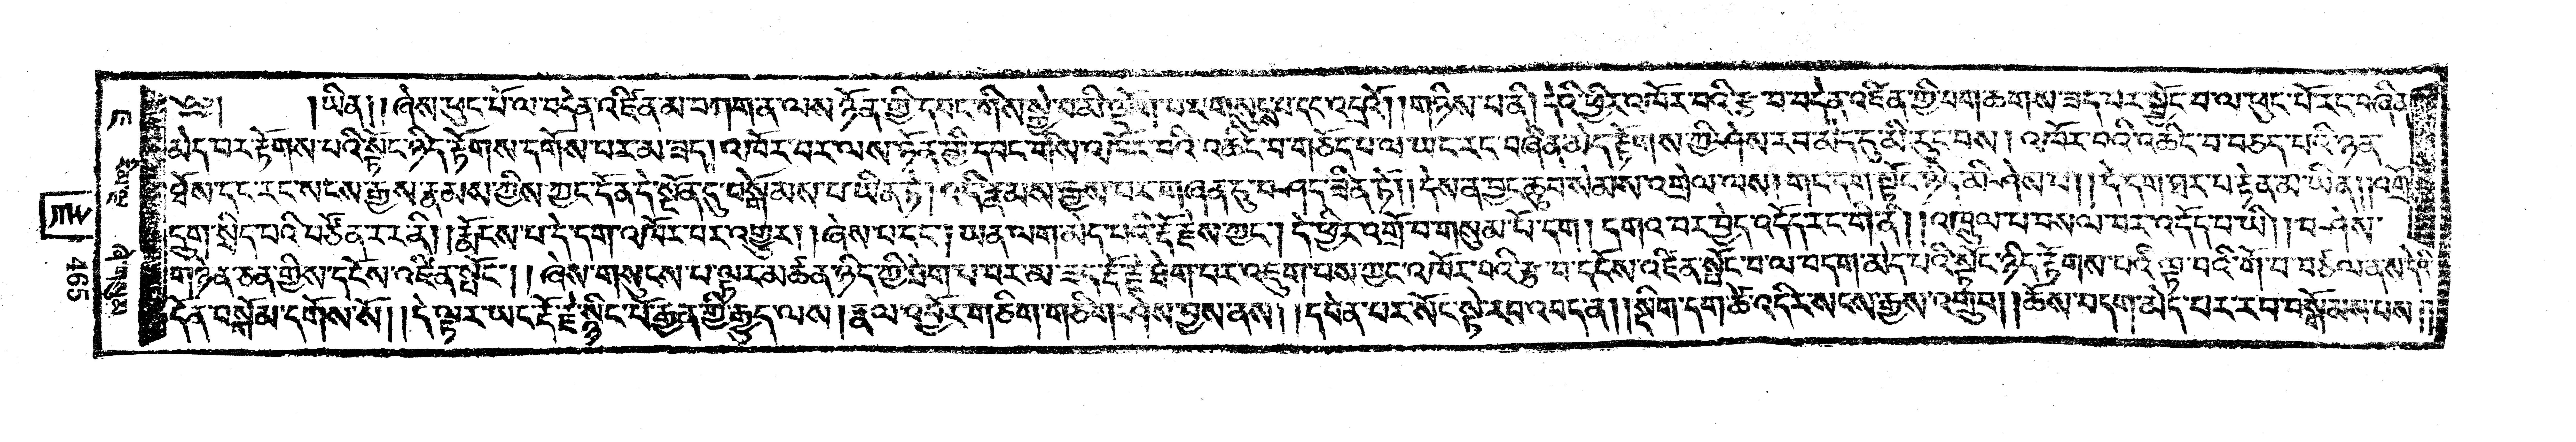༄༅། །ཡིན༑ ༑ཞེས་ཕུང་པོ་ལ་བདེན་འཛིན་མ་བཀག་ན་ལས་ཉོན་གྱི་དབང་གིས་སྐྱེ་བ་མི་ལྡོག་པར་གསུངས་པ་དང་འདྲའོ། །གཉིས་པ་ནི། དེའི་ཕྱིར་འཁོར་བའི་རྩ་བ་བདེན་འཛིན་གྱི་བག་ཆགས་ཟད་པར་སྦྱོང་བ་ལ་ཕུང་པོ་རང་བཞིན་
མེད་པར་རྟོགས་པའི་སྟོང་ཉིད་རྟོགས་དགོས་པར་མ་ཟད། འཁོར་བར་ལས་ཉེན་གྱི་དབང་གིས་འཁོར་བའི་འཆིང་བ་གཅོད་པ་ལ་ཡང་རང་བཞིན་མེད་རྟོགས་ཀྱི་ཤེས་རབ་མེད་དུ་མི་རུང་བས། འཁོར་བའི་འཆིང་བ་བཅད་པའི་ཉན་
ཐོས་དང་རང་སངས་རྒྱས་རྣམས་ཀྱིས་ཀྱང་དོན་དེ་སྔོན་དུ་བསྒོམས་པ་ཡིན་ཏེ། འདི་རྣམས་རྒྱས་པར་གཞན་དུ་བཤད་ཟིན་ཏོ། །དེས་ན་བྱང་ཆུབ་སེམས་འགྲེལ་ལས། གང་དག་སྟོང་ཉིད་མི་ཤེས་པ། །དེ་དག་ཐར་པ་རྟེན་མ་ཡིན། །འགྲོ་
དྲུག་སྲིད་པའི་བཙོན་རར་ནི། །རྨོངས་པ་དེ་དག་འཁོར་བར་འགྱུར། །ཞེས་པ་དང་། ཡན་ལག་མེད་པའི་རྡོ་རྗེས་ཀྱང་། དེ་ཕྱིར་འགྲོ་བ་གསུམ་པོ་དག །དགའ་བར་བྱེད་འདོད་རང་གི་ནི། །འཁྲུལ་པ་བསལ་བར་འདོད་པ་ཡི། །བཤེས་
གཉེན་ཅན་གྱིས་དངོས་འཛིན་སྤོང་། །ཞེས་གསུངས་པ་ལྟར་མཚན་ཉིད་ཀྱི་ཐེག་པ་བར་མ་ཟད་རྡོ་རྗེ་ཐེག་པར་འཇུག་པས་ཀྱང་འཁོར་བའི་རྩ་བ་དངོས་འཛིན་སྤོང་བ་ལ་བདག་མེད་པའི་སྟོང་ཉིད་རྟོགས་པའི་ལྟ་བའི་གོ་བ་བཙལ་ནས་དེའི་
དོན་བསྒོམ་དགོས་སོ། །དེ་ལྟར་ཡང་རྡོ་རྗེ་སྙིང་པོ་རྒྱན་གྱི་རྒྱུད་ལས། རྣལ་འབྱོར་གཅིག་གཅིག་ཤེས་བྱས་ནས། །དབེན་པར་སོང་སྟེ་རབ་འབད་ན། །སྡིག་དག་ཚེ་འདིར་སངས་རྒྱས་འགྲུབ། །ཆོས་བདག་མེད་པར་རབ་བསྒོམས་པས། །